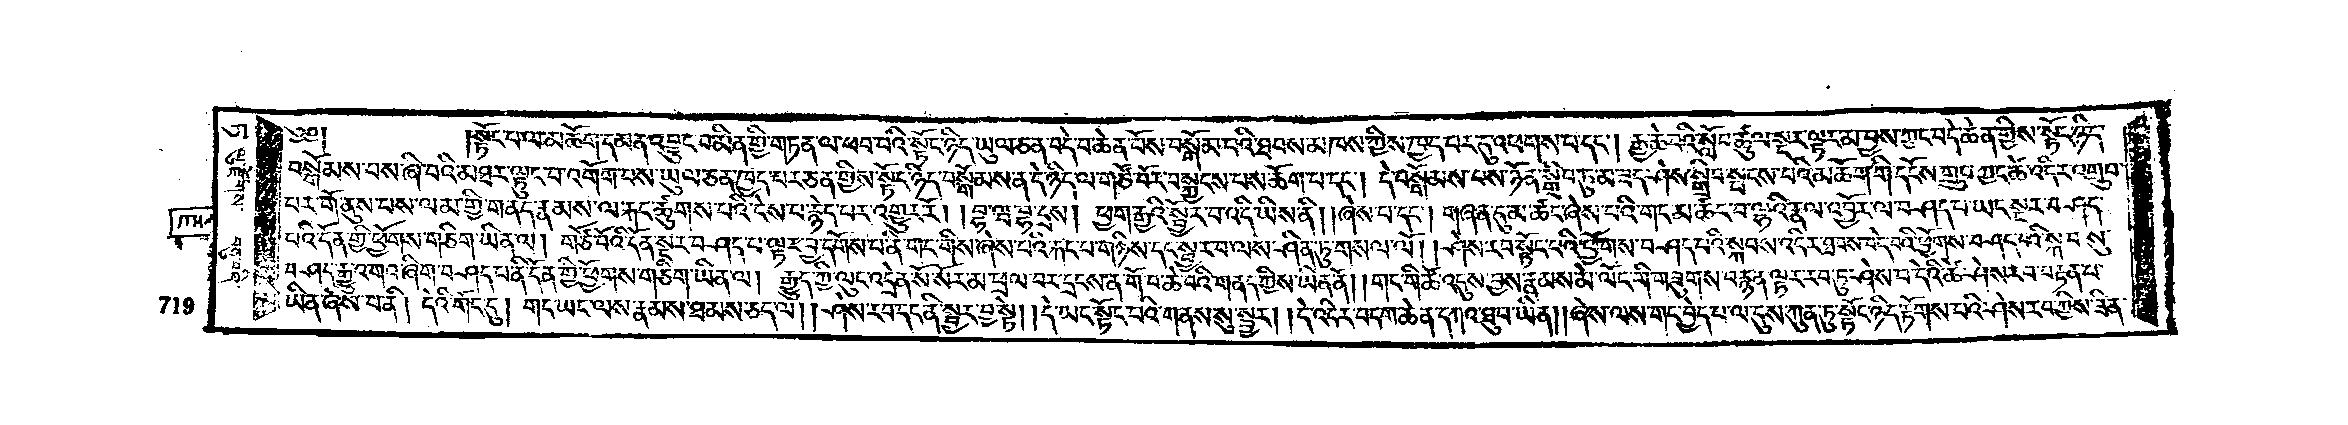༄༅། །སྟོང་པ་ལ་མཆོག་དམན་འབྱུང་བ་མིན་གྱི་གཏན་ལ་ཕབ་པའི་སྟོང་ཉིད་ཡུལ་ཅན་བདེ་བ་ཆེན་པོས་བསྒོམ་པའི་ཐབས་མཁས་ཀྱིས་ཁྱད་པར་དུ་འཕགས་པ་དང་། རྒྱ་ཆེ་བའི་སློབ་ཚུལ་སྔར་ལྟར་མ་བྱས་ཀྱང་བདེ་ཆེན་གྱིས་སྟོང་ཉིད་
བསྒོམས་པས་ཞི་བའི་མཐར་ལྟུང་བ་འགོག་པས་ཡུལ་ཅན་ཁྱད་པར་ཅན་གྱིས་སྟོང་ཉིད་བསྒོམས་ན་དེ་ཉིད་ལ་གཙོ་བོར་བསྐྱངས་པས་ཆོག་པ་དང་། དེ་བསྒོམས་པས་ཉོན་སྒྲིབ་ཏུ་མ་ཟད་ཤེས་སྒྲིབ་སྤངས་པའི་མཆོག་གི་དངོས་གྲུབ་ཀྱང་ཚེ་འདིར་འགྲུབ་
པར་གོ་ནུས་པས་ལམ་གྱི་གནད་རྣམས་ལ་རྐང་ཚུགས་པའི་ངེས་པ་རྙེད་པར་འགྱུར་རོ། །བྷ་ཝ་བྷ་དྲས། ཕྱག་རྒྱའི་སྦྱོར་བ་འདི་ཡིས་ནི། །ཞེས་པ་དང་། གཞན་དུ་མ་ཚང་ཞེས་པའི་གང་མ་ཚང་བ་ལྷའི་རྣལ་འབྱོར་ལ་བཤད་པ་ཡང་སྔར་བཤད་
པའི་དོན་གྱི་ཕྱོགས་གཅིག་ཡིན་ལ། གཙོ་བོའི་དོན་སྔར་བཤད་པ་ལྟར་བྱ་དགོས་པ་ནི་གང་གིས་ཞེས་པའི་རྐང་པ་གཉིས་དང་སྦྱར་བ་ལས་ཤིན་ཏུ་གསལ་ལོ། །ཤེས་རབ་སྟོང་པའི་ཕྱོགས་བཤད་པའི་སྐབས་འདིར་ཐབས་བདེ་བའི་ཕྱོགས་བཤད་པའི་སྐབས་སུ་
བཤད་རྒྱུ་འགའ་ཞིག་བཤད་པ་ནི་དོན་གྱི་ཕྱོགས་གཅིག་ཡིན་ལ། རྒྱུད་ཀྱི་ལུང་འདྲེན་སོ་སོར་མ་ཕྲལ་བར་དྲངས་ན་གོ་བ་ཆེ་བའི་གནད་ཀྱིས་ཡིན་ནོ། །གང་གི་ཚེ་འདུས་བྱས་རྣམས་མེ་ལོང་གི་གཟུགས་བརྙན་ལྟར་རབ་ཏུ་ཤེས་པ་དེའི་ཚེ་ཤེས་རབ་བརྟན་པ་
ཡིན་ཞེས་པ་ནི། དེའི་གོང་དུ། གང་ཡང་ལས་རྣམས་ཐམས་ཅད་ལ། །ཤེས་རབ་དང་ནི་སྦྱར་བྱ་སྟེ། །དེ་ཡང་སྟོང་པའི་གནས་སུ་སྦྱར། །དེ་འདིར་བདག་ཆེན་དཀའ་ཐུབ་ཡིན། །ཞེས་ལས་གང་བྱེད་པ་ལ་དུས་ཀུན་ཏུ་སྟོང་ཉིད་རྟོགས་པའི་ཤེས་རབ་ཀྱིས་ཟིན་